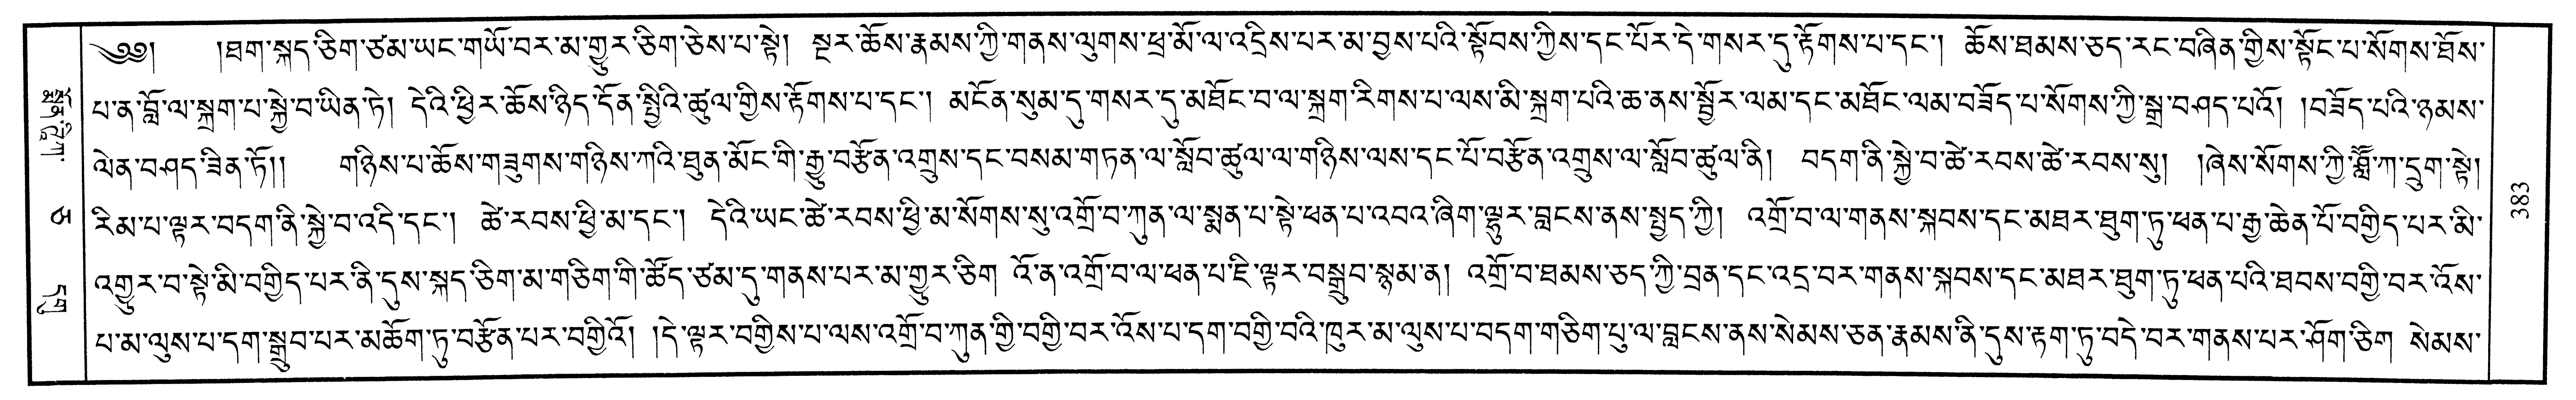༄༅། །ཐག་སྐད་ཅིག་ཙམ་ཡང་གཡོ་བར་མ་གྱུར་ཅིག་ཅེས་པ་སྟེ། སྔར་ཆོས་རྣམས་ཀྱི་གནས་ལུགས་ཕྲ་མོ་ལ་འདྲིས་པར་མ་བྱས་པའི་སྟོབས་ཀྱིས་དང་པོར་དེ་གསར་དུ་རྟོགས་པ་དང་། ཆོས་ཐམས་ཅད་རང་བཞིན་གྱིས་སྟོང་པ་སོགས་ཐོས་
པ་ན་བློ་ལ་སྐྲག་པ་སྐྱེ་བ་ཡིན་ཏེ། དེའི་ཕྱིར་ཆོས་ཉིད་དོན་སྤྱིའི་ཚུལ་གྱིས་རྟོགས་པ་དང་། མངོན་སུམ་དུ་གསར་དུ་མཐོང་བ་ལ་སྐྲག་རིགས་པ་ལས་མི་སྐྲག་པའི་ཆ་ནས་སྦྱོར་ལམ་དང་མཐོང་ལམ་བཟོད་པ་སོགས་ཀྱི་སྒྲ་བཤད་པའོ། །བཟོད་པའི་ཉམས་
ལེན་བཤད་ཟིན་ཏོ།། གཉིས་པ་ཆོས་གཟུགས་གཉིས་ཀའི་ཐུན་མོང་གི་རྒྱུ་བརྩོན་འགྲུས་དང་བསམ་གཏན་ལ་སློབ་ཚུལ་ལ་གཉིས་ལས་དང་པོ་བརྩོན་འགྲུས་ལ་སློབ་ཚུལ་ནི། བདག་ནི་སྐྱེ་བ་ཚེ་རབས་ཚེ་རབས་སུ། །ཞེས་སོགས་ཀྱི་ཤླཽ་ཀ་དྲུག་སྟེ།
རིམ་པ་ལྟར་བདག་ནི་སྐྱེ་བ་འདི་དང་། ཚེ་རབས་ཕྱི་མ་དང་། དེའི་ཡང་ཚེ་རབས་ཕྱི་མ་སོགས་སུ་འགྲོ་བ་ཀུན་ལ་སྨན་པ་སྟེ་ཕན་པ་འབའ་ཞིག་ལྷུར་བླངས་ནས་སྤྱད་ཀྱི། འགྲོ་བ་ལ་གནས་སྐབས་དང་མཐར་ཐུག་ཏུ་ཕན་པ་རྒྱ་ཆེན་པོ་བགྱིད་པར་མི་
འགྱུར་བ་སྟེ་མི་བགྱིད་པར་ནི་དུས་སྐད་ཅིག་མ་གཅིག་གི་ཚོད་ཙམ་དུ་གནས་པར་མ་གྱུར་ཅིག་འོ་ན་འགྲོ་བ་ལ་ཕན་པ་ཇི་ལྟར་བསྒྲུབ་སྙམ་ན། འགྲོ་བ་ཐམས་ཅད་ཀྱི་བྲན་དང་འདྲ་བར་གནས་སྐབས་དང་མཐར་ཐུག་ཏུ་ཕན་པའི་ཐབས་བགྱི་བར་འོས་
པ་མ་ལུས་པ་དག་སྒྲུབ་པར་མཆོག་ཏུ་བརྩོན་པར་བགྱིའོ། །དེ་ལྟར་བགྱིས་པ་ལས་འགྲོ་བ་ཀུན་གྱི་བགྱི་བར་འོས་པ་དག་བགྱི་བའི་ཁུར་མ་ལུས་པ་བདག་གཅིག་པུ་ལ་བླངས་ནས་སེམས་ཅན་རྣམས་ནི་དུས་རྟག་ཏུ་བདེ་བར་གནས་པར་ཤོག་ཅིག་སེམས་